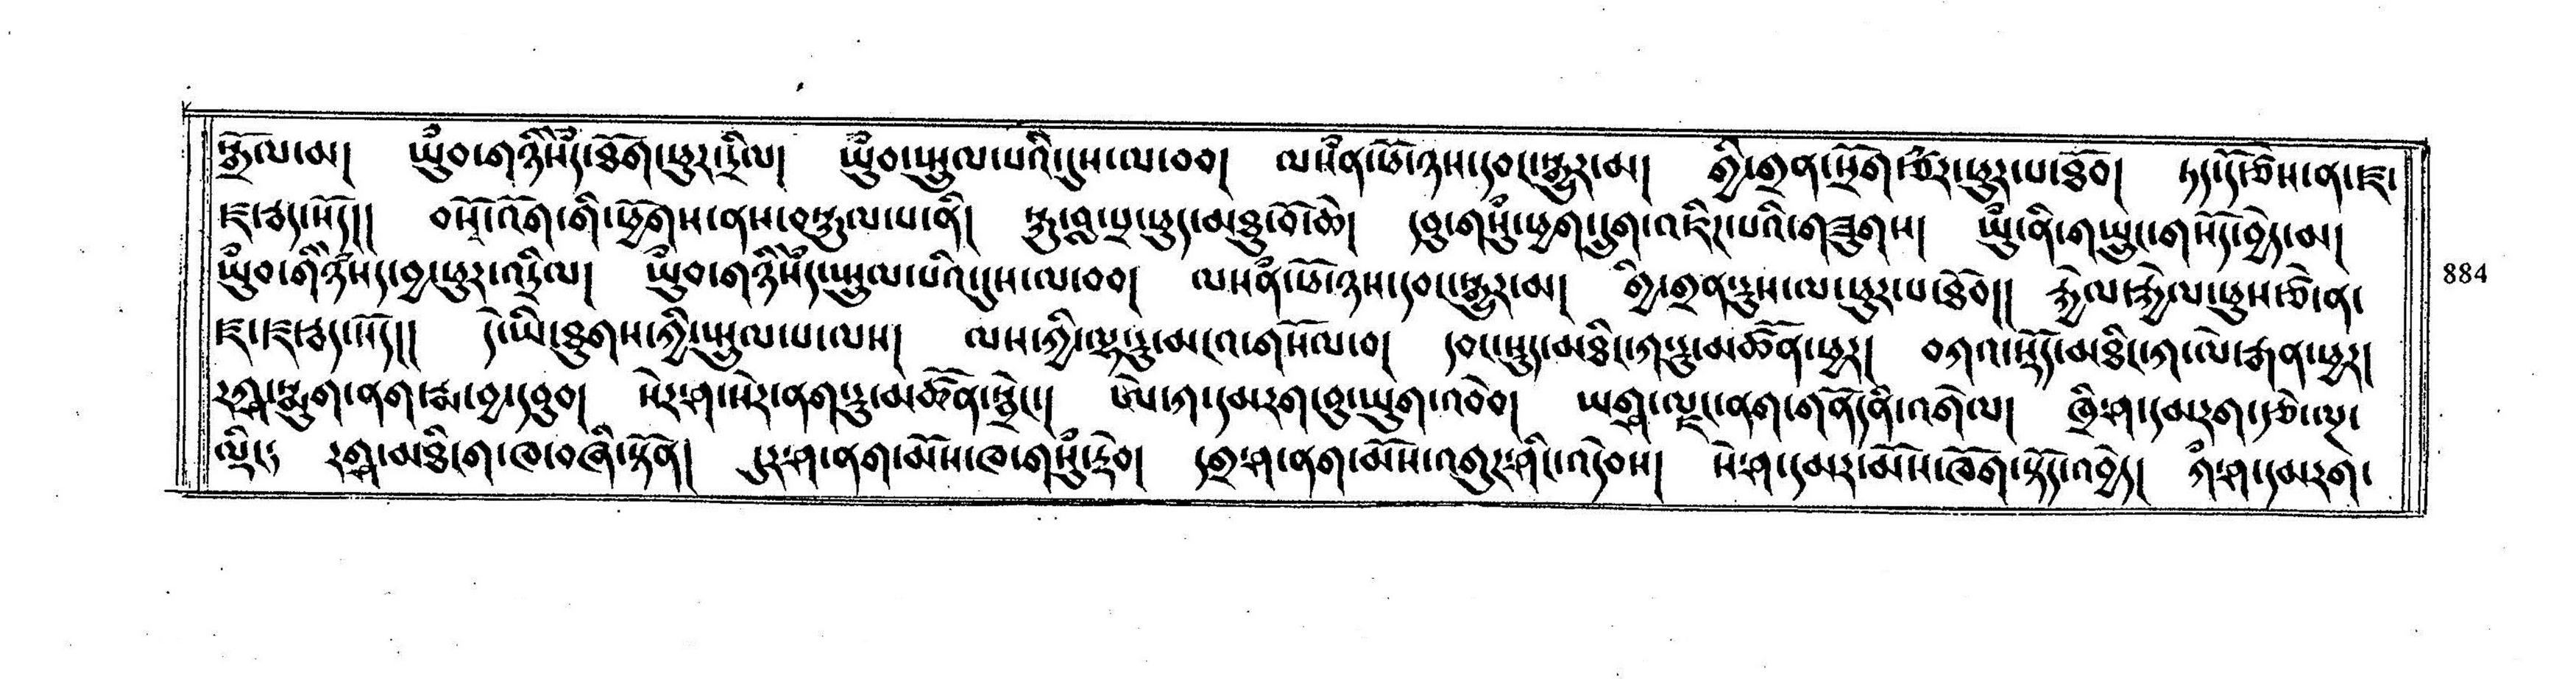སྒྲོལ་མ། ཡབ་ཡུམ་གཉིས་མེད་ཐོག་ཕུར་དྲིལ། ཡབ་ཡུམ་སྤྲུལ་པའི་དུས་ལ་བབ། ལས་མཁན་ཕོ་ཉས་དབང་སྒྱུར་མ། གྱི་གྲན་སྲོག་རྩར་ཕུར་པ་ཐོབ། ཏད་དོ་ཙེས་ན་ཛ་
ཛ་རྦད་སོད།། བསྭོ་འོག་གི་ཕྱོགས་ནས་བསྐུལ་པ་ནི། སྐུ་བླ་པྲ་ཕུད་མཐུ་བོ་ཆེ། དབུ་གསུམ་ཕྱག་དྲུག་འཇིགས་པའི་གཟུགས། ཡུམ་ནི་གཡུང་དྲུང་གསོད་བྱེད་མ། 
ཡབ་ཡུམ་གཉིས་མེད་བྱ་ཕུར་འདྲིལ། ཡབ་ཡུམ་གཉིས་མེད་སྤྲུལ་པའི་དུས་ལ་བབ། ལས་མཁན་ཕོ་ཉས་དབང་སྒྱུར་མ། གྱི་གྲན་རུས་ལ་ཕུར་པ་ཐོབ།། རྐྱེལ་རྐྱེལ་ཕུས་ཙེ་ན་
ཛ་ཛ་རྦད་སོད།། དེ་ཡི་ཐུགས་ཀྱི་སྤྲུལ་པ་ལས། ལས་ཀྱི་ལྷ་རུ་མངའ་གསོལ་བ། དབང་སྡུད་མཐིང་ཀ་རུ་མཚོན་ཕྱར། བཀའ་སྡོད་མཐིང་ཀ་ལེ་རྒན་ཕྱར། 
རཀྴ་སྨུག་ནག་རྨ་བྱ་དབུབ། སེར་ཤ་སེར་ནག་རུ་མཚོན་སྦྲེང་། ཨེ་ཀ་དམར་ནག་བུ་ཡུག་འབེབ། ཡགྴ་ལྗང་ནག་གནོད་སྦྱིན་འགེལ། ཁྲི་ཤ་དམར་ནག་རྩེ་ལྔ་
ལྡིང་། རགྴ་མཐིང་ནག་ཁ་བཞི་སྟོན། དུར་ཤ་ནག་མོས་ཁ་གསུམ་རྡེབ། དགྲ་ཤ་ནག་མོས་འགུགས་ཤིང་འདེབས། སེ་ཤ་དམར་མོས་ཁོག་སྟོད་འབྱེད། ཀཾ་ཤ་དམར་ནག་